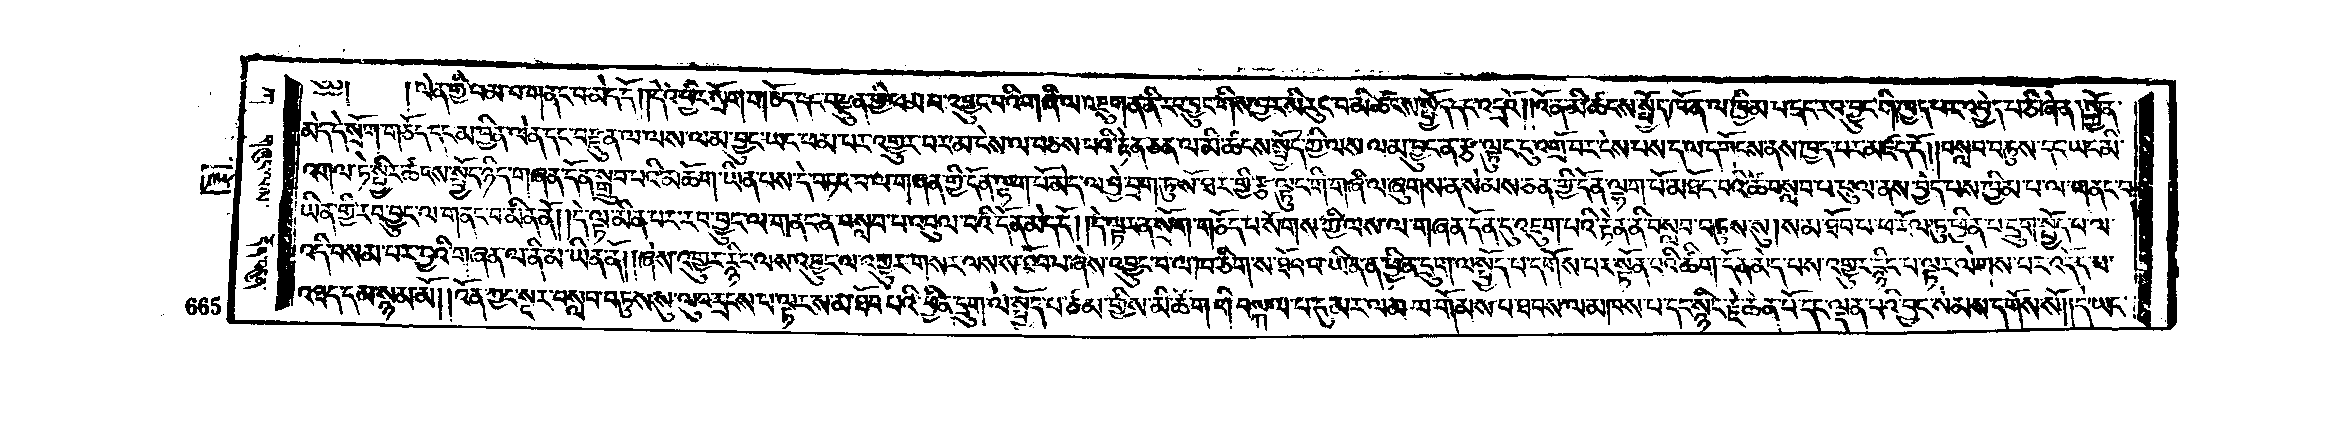༄༅། །ལེན་གྱི་བམ་པ་གནང་བ་མེད་དོ། །དེའི་ཕྱིར་སྲོག་གཅོད་དང་བརྫུན་གྱི་ཕམ་པ་འབྱུང་བའི་གཞི་ལ་འཇུག་ན་ནི་རབ་བྱུང་གིས་བྱར་མི་རུང་བ་མི་ཚངས་སྤྱོད་དང་འདྲའོ། །འོ་ན་མི་ཚངས་སྤྱོད་ཁོ་ན་ལ་ཁྱིམ་པ་དང་རབ་བྱུང་གི་ཁྱད་པར་འབྱེད་པ་ཅི་ཞེ་ན། སྐྱོན་
མེད་དེ་སྲོག་གཅོད་དང་མ་བྱིན་ལེན་དང་བརྫུན་ལ་ལས་ལམ་བྱུང་ཡང་ཕམ་པར་འགྱུར་བར་མ་ངེས་ལ་བཅས་པའི་རྟེན་ཅན་ལ་མི་ཚངས་སྤྱོད་ཀྱི་ལས་ལམ་བྱུང་ན་རྩ་ལྟུང་ངུ་འགྲོ་བར་ངེས་པས་དེ་ལ་དགོངས་ནས་ཁྱད་པར་མཛད་དོ། །བསླབ་བཏུས་དང་ཡང་མི་
འགལ་ཏེ་སྤྱིར་ཚངས་སྤྱོད་ཉིད་གཞན་དོན་སྒྲུབ་པའི་མཆོག་ཡིན་པས་དེ་བཏང་བ་ལ་གཞན་གྱི་དོན་ལྷག་པོ་མེད་ལ་བྱེ་བྲག་ཏུ་སོ་ཐར་གྱི་རྩ་ལྟུང་གི་གཞི་ལ་ཞུགས་ན་སེམས་ཅན་གྱི་དོན་ལྷག་པོ་མཐོང་བའི་ཚེ་བསླབ་པ་ཕུལ་ནས་བྱེད་པས་ཁྱིམ་པ་ལ་གནང་བ་
ཡིན་གྱི་རབ་བྱུང་ལ་གནང་བ་མིན་ནོ། །དེ་ལྟ་མིན་པར་རབ་བྱུང་ལ་གནང་ན་བསླབ་པ་འབུལ་བའི་དོན་མེད་དོ། །དེ་ལྟར་ན་སྲོག་གཅོད་པ་སོགས་ཀྱི་ལས་ལ་གཞན་དོན་དུ་འཇུག་པའི་རྟེན་ནི་བསླབ་བཏུས་སུ། ས་མ་ཐོབ་པ་ཕ་རོལ་ཏུ་ཕྱིན་པ་དྲུག་སྤྱོད་པ་ལ་
འདི་བསམ་པར་བྱའི་གཞན་ལ་ནི་མ་ཡིན་ནོ། །ཞེས་འགྱུར་རྙིང་ལས་འབྱུང་ལ་འགྱུར་གསར་ལས་ས་ཐོབ་པ་ཞེས་འབྱུང་བ་ལ་ཁ་ཅིག་ས་ཐོབ་པ་ཡིན་ན་ཕྱིན་དྲུག་ལ་སྤྱོད་པ་དགོས་པར་སྟོན་པའི་ཚིག་དོན་མེད་པས་འགྱུར་རྙིང་པ་ལྟར་ལེགས་པར་འདོད་པ་
འཐད་དམ་སྙམ་མོ། །འོན་ཀྱང་སྔར་བསླབ་བཏུས་སུ་ལུང་དྲངས་པ་ལྟར་ས་མ་ཐོབ་པའི་ཕྱིན་དྲུག་ལ་སྤྱོད་པ་ཙམ་གྱིས་མི་ཆོག་གི་བསྐལ་པ་དུ་མར་ལམ་ལ་གོམས་པ་ཐབས་ལ་མཁས་པ་དང་སྙིང་རྗེ་ཆེན་པོ་དང་ལྡན་པའི་བྱང་སེམས་དགོས་སོ། །དེ་ཡང་